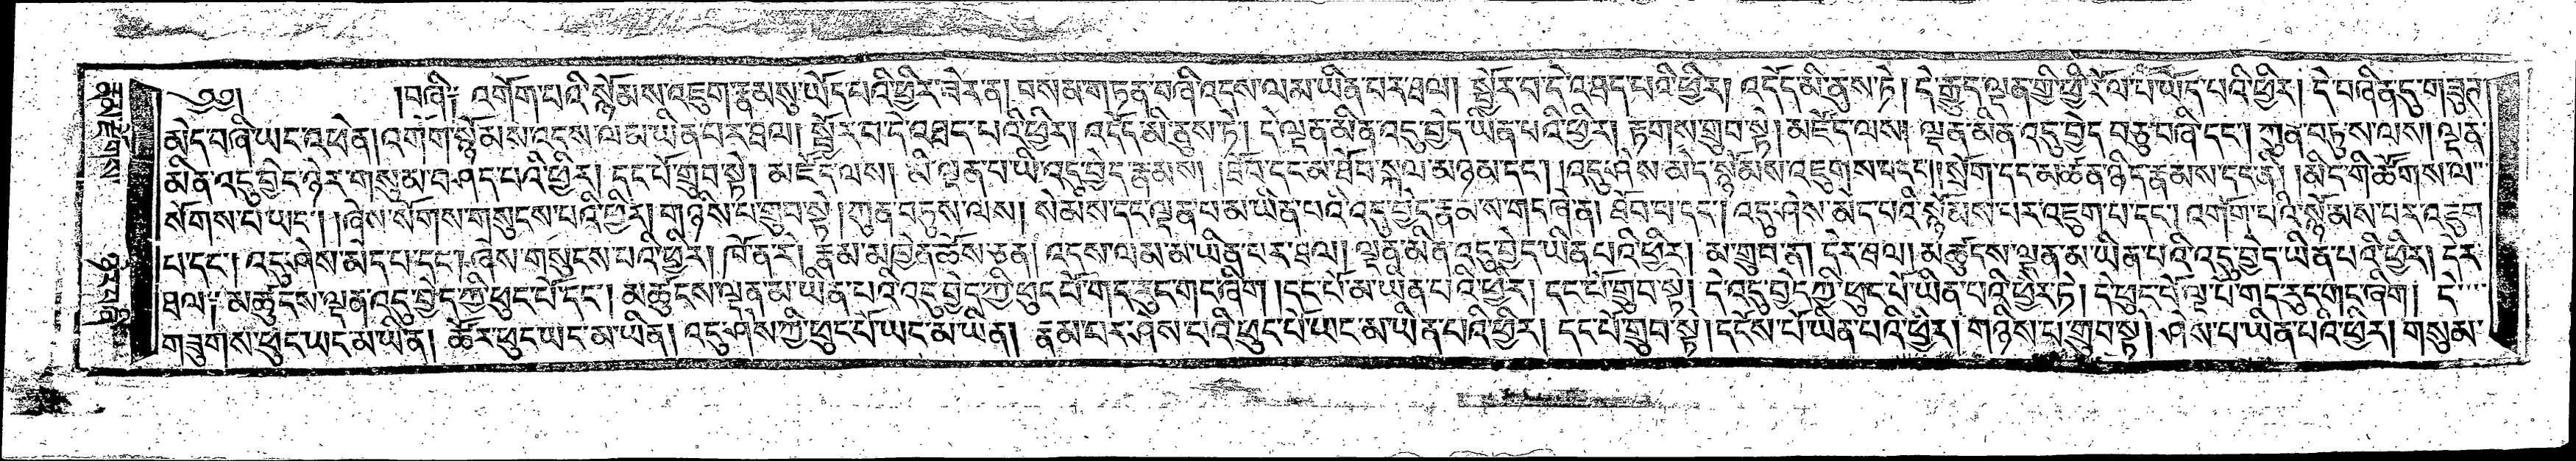༄༅། །བཞི༑ འགོག་པའི་སྙོམས་འཇུག་རྣམས་སུ་ཡོད་པའི་ཕྱིར་ཟེར་ན། བསམ་གཏན་བཞི་འདས་ལམ་ཡིན་པར་ཐལ། སྦྱོར་བ་དེ་འཐད་པའི་ཕྱིར། འདོད་མི་ནུས་ཏེ། དེ་རྒྱུད་ལྡན་གྱི་ཕྱི་རོལ་པ་ཡོད་པའི་ཕྱིར། དེ་བཞིན་དུ་གཟུགས་
མེད་བཞི་ཡང་འཕེན། འགོག་སྙོམས་འདས་ལམ་ཡིན་པར་ཐལ། སྦྱོར་བ་དེ་འཐད་པའི་ཕྱིར། འདོད་མི་ནུས་ཏེ། དེ་ལྡན་མིན་འདུ་བྱེད་ཡིན་པའི་ཕྱིར། རྟགས་གྲུབ་སྟེ། མཛོད་ལས། ལྡན་མིན་འདུ་བྱེད་བཅུ་བཞི་དང་། ཀུན་བཏུས་ལས། ལྡན་
མིན་འདུ་བྱེད་ཉེར་གསུམ་བཤད་པའི་ཕྱིར། དང་པོ་གྲུབ་སྟེ། མཛོད་ལས། མི་ལྡན་པ་ཡི་འདུ་བྱེད་རྣམས། །ཐོབ་དང་མ་ཐོབ་སྐལ་མཉམ་དང་། །འདུ་ཤེས་མེད་སྙོམས་འཇུགས་པ་དང་། །སྲོག་དང་མཚན་ཉིད་རྣམས་དང་ནི། །མིང་གི་ཚོགས་ལ་
སོགས་པ་ཡང་། །ཞེས་སོགས་གསུངས་པའི་ཕྱིར། གཉིས་པ་གྲུབ་སྟེ། ཀུན་བཏུས་ལས། སེམས་དང་ལྡན་པ་མ་ཡིན་པའི་འདུ་བྱེད་རྣམས་གང་ཞེ་ན། ཐོབ་པ་དང་། འདུ་ཤེས་མེད་པའི་སྙོམས་པར་འཇུག་པ་དང་། འགོག་པའི་སྙོམས་པར་འཇུག་
པ་དང་། འདུ་ཤེས་མེད་པ་དང་། ཞེས་གསུངས་པའི་ཕྱིར། ཁོ་ན་རེ། རྣམ་མཁྱེན་ཆོས་ཅན། འདས་ལམ་མ་ཡིན་པར་ཐལ། ལྡན་མིན་འདུ་བྱེད་ཡིན་པའི་ཕྱིར། མ་གྲུབ་ན། དེར་ཐལ། མཚུངས་ལྡན་མ་ཡིན་པའི་འདུ་བྱེད་ཡིན་པའི་ཕྱིར། དེར་
ཐལ༑ མཚུངས་ལྡན་འདུ་བྱེད་ཀྱི་ཕུང་པོ་དང་། མཚུངས་ལྡན་མ་ཡིན་པའི་འདུ་བྱེད་ཀྱི་ཕུང་པོ་གང་རུང་གང་ཞིག །དང་པོ་མ་ཡིན་པའི་ཕྱིར། དང་པོ་གྲུབ་སྟེ། དེ་འདུ་བྱེད་ཀྱི་ཕུང་པོ་ཡིན་པའི་ཕྱིར་ཏེ། དེ་ཕུང་པོ་ལྔ་པོ་གང་རུང་གང་ཞིག །དེ་
གཟུགས་ཕུང་ཡང་མ་ཡིན། ཚོར་ཕུང་ཡང་མ་ཡིན། འདུ་ཤེས་ཀྱི་ཕུང་པོ་ཡང་མ་ཡིན། རྣམ་པར་ཤེས་པའི་ཕུང་པོ་ཡང་མ་ཡིན་པའི་ཕྱིར། དང་པོ་གྲུབ་སྟེ། དངོས་པོ་ཡིན་པའི་ཕྱིར། གཉིས་པ་གྲུབ་སྟེ། ཤེས་པ་ཡིན་པའི་ཕྱིར། གསུམ་